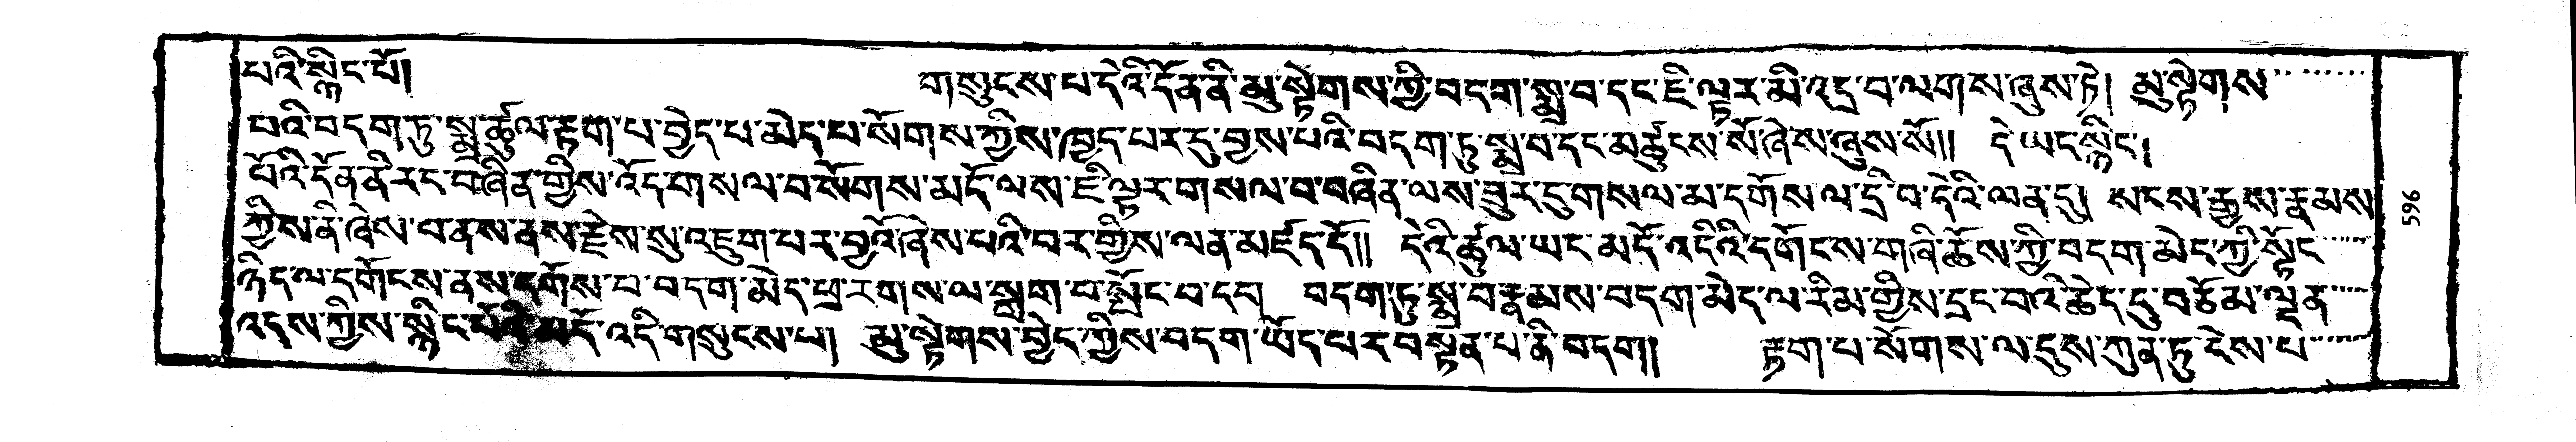པའི་སྙིང་པོ། གསུངས་པ་དེའི་དོན་ནི་མུ་སྟེགས་ཀྱི་བདག་སྨྲ་བ་དང་ཇི་ལྟར་མི་འདྲ་བ་ལགས་ཞུས་ཏེ། མུ་སྟེགས་
པའི་བདག་ཏུ་སྨྲ་ཚུལ་རྟག་པ་བྱེད་པ་མེད་པ་སོགས་ཀྱིས་ཁྱད་པར་དུ་བྱས་པའི་བདག་ཏུ་སྨྲ་བ་དང་མཚུངས་སོ་ཞེས་ཞུས་སོ། །དེ་ཡང་སྙིང་།
པོའི་དོན་ནི་རང་བཞིན་གྱིས་འོད་གསལ་བ་སོགས་མདོ་ལས་ཇི་ལྟར་གསལ་བ་བཞིན་ལས་ཟུར་དུ་གསལ་མ་དགོས་ལ་དྲི་བ་དེའི་ལན་དུ། སངས་རྒྱས་རྣམས་
ཀྱིས་ནི་ཞེས་པ་ནས་ནས་རྗེས་སུ་འཇུག་པར་བྱའོ་ཞེས་པའི་བར་གྱིས་ལན་མཛད་དོ། །དེའི་ཚུལ་ཡང་མདོ་འདིའི་དགོངས་གཞི་ཆོས་ཀྱི་བདག་མེད་ཀྱི་སྟོང་
ཉིད་ལ་དགོངས་ནས་དགོས་པ་བདག་མེད་ཕྲ་རགས་ལ་སྒྲག་པ་སྤོང་བ་དང་། བདག་ཏུ་སྨྲ་བ་རྣམས་བདག་མེད་ལ་རིམ་གྱིས་དྲང་བའི་ཆེད་དུ་བཅོམ་ལྡན་
འདས་ཀྱིས་སྙིང་པོའི་མདོ་འདི་གསུངས་པ། མུ་སྟེགས་བྱེད་ཀྱིས་བདག་ཡོད་པར་བསྟོན་པ་ནི་བདག། རྟག་པ་སོགས་ལ་དུས་ཀུན་ཏུ་ངེས་པ་